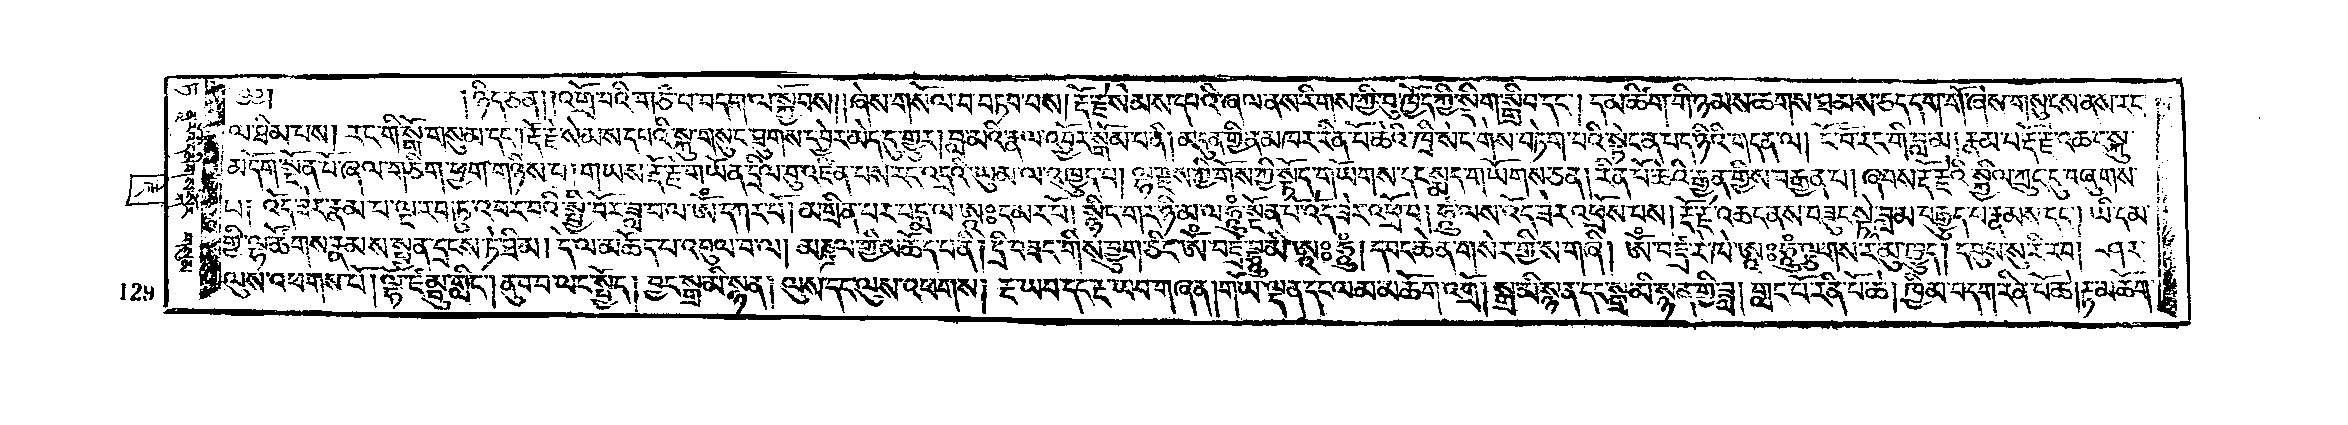༄༅། །ཉིད་ཅན། །འགྲོ་བའི་གཙོ་བོ་བདག་ལ་སྐྱོབས། །ཞེས་གསོལ་བ་བཏབ་པས། རྡོ་རྗེ་སེམས་དཔའི་ཞལ་ནས་རིགས་ཀྱི་བུ་ཁྱོད་ཀྱི་སྡིག་སྒྲིབ་དང་། དམ་ཚིག་གི་ཉམས་ཆགས་ཐམས་ཅད་དག་གོ་ཞེས་གསུངས་ནས་རང་
ལ་ཐིམ་པས། རང་གི་སྒོ་གསུམ་དང་། རྡོ་རྗེ་སེམས་དཔའི་སྐུ་གསུང་ཐུགས་དབྱེར་མེད་དུ་གྱུར། བླ་མའི་རྣལ་འབྱོར་སྒོམ་པ་ནི། མདུན་གྱི་ནམ་མཁར་རིན་པོ་ཆེའི་ཁྲི་སེང་གེས་བཏེག་པའི་སྟེང་ན་པད་ཉིའི་གདན་ལ། ངོ་བོ་རང་གི་བླ་མ། རྣམ་པ་རྡོ་རྗེ་འཆང་སྐུ་
མདོག་སྔོན་པོ་ཞལ་གཅིག་ཕྱག་གཉིས་པ། གཡས་རྡོ་རྗེ་གཡོན་དྲིལ་བུ་འཛིན་པས་རང་འདྲའི་ཡུམ་ལ་འཁྱུད་པ། ལྷ་རྫས་ཀྱི་གོས་ཀྱི་སྟོད་གཡོགས་དང་སྨད་གཡོགས་ཅན། རིན་པོ་ཆེའི་རྒྱན་གྱིས་བརྒྱན་པ། ཞབས་རྡོ་རྗེའི་སྐྱིལ་ཀྲུང་དུ་བཞུགས་
པ། འོད་ཟེར་རྣམ་པ་ལྔ་རབ་ཏུ་འབར་བའི་སྤྱི་བོར་ཟླ་བ་ལ་ཨོཾ་དཀར་པོ། མགྲིན་པར་པདམ་ལ་ཨཱཿ དམར་པོ། སྙིང་གར་ཉི་མ་ལ་ཧཱུཾ་སྔོན་པོ་འོད་ཟེར་འཕྲོ་བ། ཧཱུཾ་ལས་འོད་ཟེར་འཕྲོས་པས། རྡོ་རྗེ་འཆང་ནས་བཟུང་སྟེ་བླ་མ་བརྒྱུད་པ་རྣམས་དང་། ཡི་དམ་
གྱི་ལྷ་ཚོགས་རྣམས་སྤྱན་དྲངས་ཏེ་ཐིམ། དེ་ལ་མཆོད་པ་འབུལ་བ་ལ། མཎྜལ་གྱི་མཆོད་པ་ནི། དྲི་བཟང་གིས་བྱུག་ཅིང་ཨོཾ་བཛྲ་བྷཱུཾ་མི་ཨཱཿ ཧཱུཾ། དབང་ཆེན་གསེར་གྱི་ས་གཞི། ཨོཾ་བཛྲ་རེ་ཁེ་ཨཱཿ ཧཱུཾ་ལྕགས་རི་མུ་ཁྱུད། དབུས་སུ་རི་རབ། ཤར་
ལུས་འཕགས་པོ། ལྷོ་ཛམྦུ་གླིང་། ནུབ་བ་ལང་སྤྱོད། བྱང་སྒྲ་མི་སྙན། ལུས་དང་ལུས་འཕགས། རྔ་ཡབ་དང་རྔ་ཡབ་གཞན། གཡོ་ལྡན་དང་ལམ་མཆོག་འགྲོ། སྒྲ་མི་སྙན་དང་སྒྲ་མི་སྙན་གྱི་ཟླ། གླང་པོ་རིན་པོ་ཆེ། ཁྱིམ་བདག་རིན་པོ་ཆེ། རྟ་མཆོག་